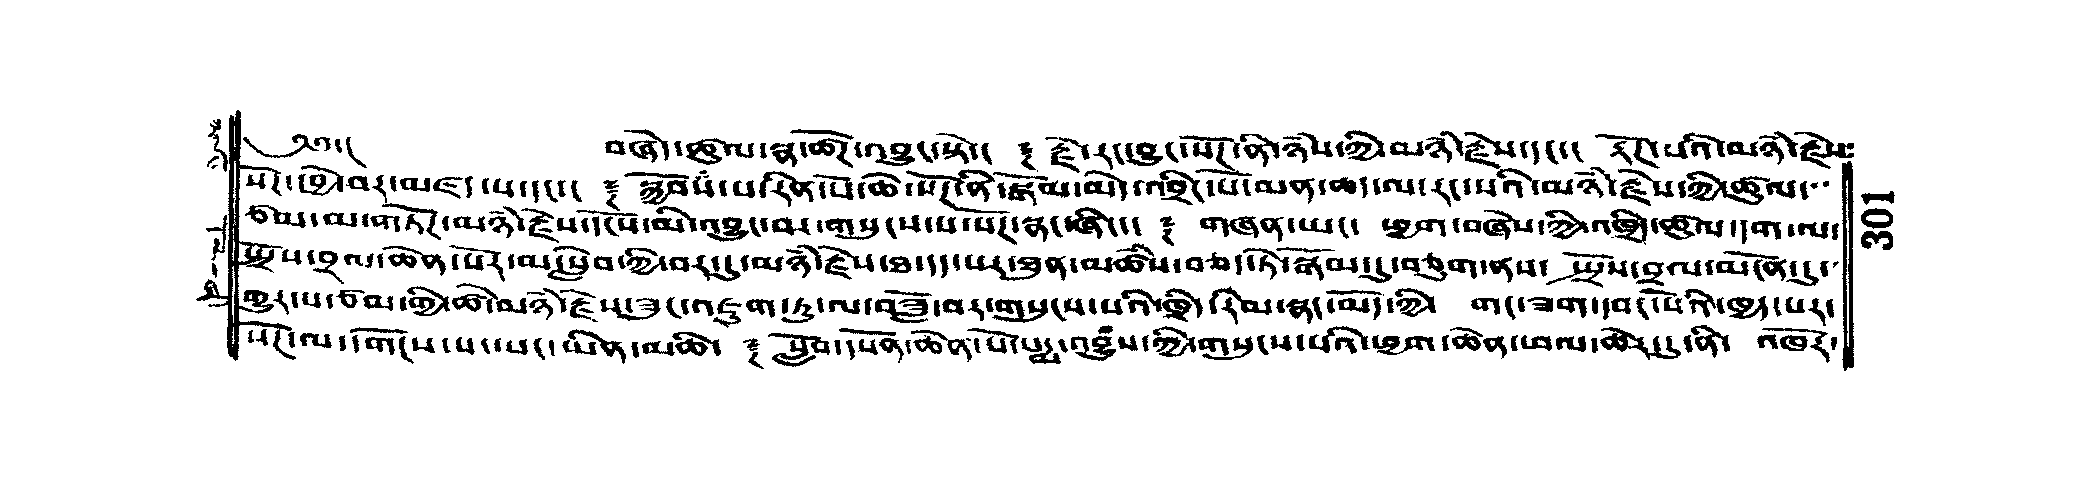བཞེད་ཚུལ་སྣ་ཚོགས་འབྱུང་སྟེ། རྗེ་རང་བྱུང་སོགས་ནི་མཉམས་ཀྱི་ཉམ་རྗེས་དང་། རྟོགས་པའི་མཉམ་རྗེས་
སོགས་དབྱེ་བར་མཛད་པ་དང་། སྐྱོབས་པ་རིན་པོ་ཆེ་སོགས་ནི་སྒོམ་ལམ་འབྲིང་པོ་མན་ཆད་ལ་རང་སའི་མཉམ་རྗེས་ཀྱི་ཚུལ་
ཙམ་མ་གཏོགས་མཉམ་རྗེས་དངོས་མི་འབྱུང་བར་གསུངས་པ་སོགས་སྣང་ཞིང་། གཞན་ཡང་། ཕྱག་བཞེས་ཀྱི་འཁྲིད་ཚུལ་དག་ལ་
སྤྲོས་བྲལ་ཆེན་པོར་མ་སླེབས་ཀྱི་བར་དུ་མཉམ་རྗེས་ཐ་དད་པར་ཐུན་མཚམས་བཅད་ཏེ་སྒོམ་དུ་བཅུག་ནས། སྤྲོས་བྲལ་མངོན་དུ་
གྱུར་པ་ཙམ་གྱི་ཚེ་མཉམ་རྗེས་ཟུང་འཇུག་ཏུ་ལ་བཟློ་བར་གསུངས་པའི་ཁྲིད་རིམ་སྣང་མོད་ཀྱི། གང་ཟག་དབང་པོའི་ཁྱད་པར་
སོགས་ལ་དགོངས་པ་ཡང་ཡིན་མཆི། སློབ་དཔོན་ཆེན་པོ་པདྨ་འབྱུང་གནས་ཀྱི་གསུངས་པའི་ཕྱག་ཆེན་ཕལ་ཆེར་དུ་ནི། འཁོར་